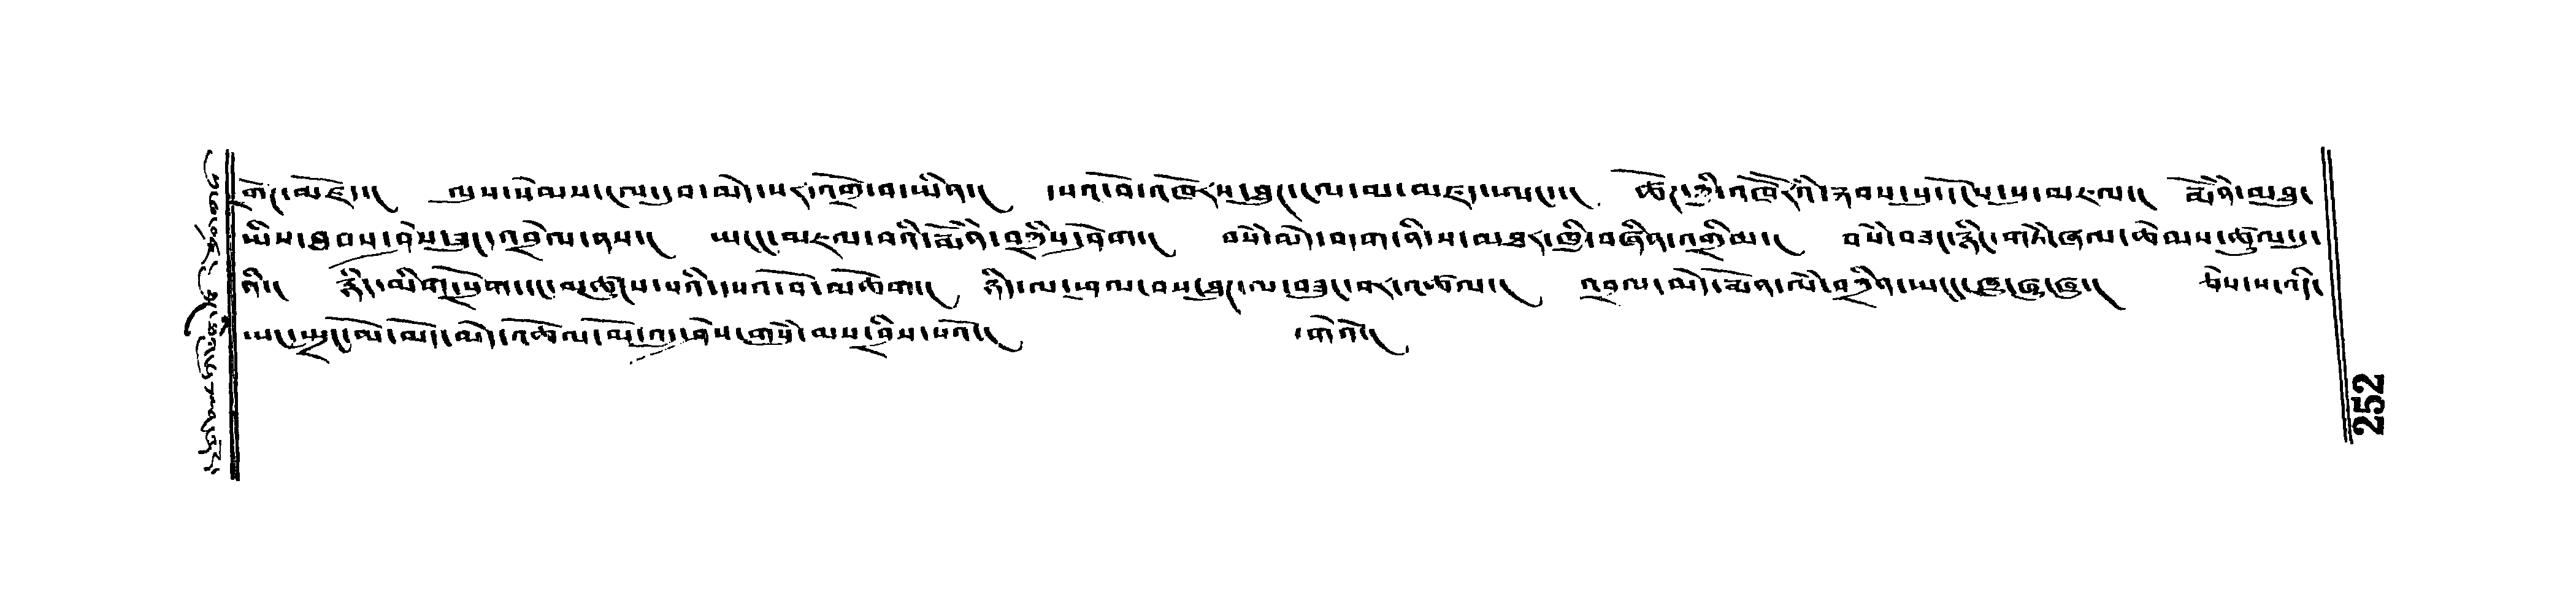གྲོགས་མཛོད། །ལུས་སེམས་ངལ་དུབ་མེད་པར་འགྲོ་བ་ཡིན། །དཔའ་བོ་འཁོར་བཅས་ཐུགས་ངལ་མ་མཛད་ཨང་། །ཚོགས་ཀྱི་འཁོར་ལོའི་སྐབས་སུ་དངོས་སུ་མཇལ། །སྨོན་ལམ་མཐུ་
ཡིས་ཐབས་ཤེས་ཟུང་འབྲེལ་ནས། ཡང་ཡང་མཇལ་བའི་སྨོན་ལམ་བཀྲ་ཤིས་ཤོག །བསམ་མེད་བདག་ནི་ས་མཐར་ཁྱི་བཞིན་འགྲིམ། །བསམ་བཟང་སྙིང་གཏམ་ཞལ་ཆེམས་ཚུལ་དུ་
ནི། །སྙིང་མིག་སྲོག་དང་མཚུངས་པའི་དཔའ་བོ་མཆོག །ཉིད་ལ་ཕུལ་བས་ཐུགས་ལ་བཟུང་བར་འཚལ། །འབྲལ་མེད་སྨོན་ལམ་བཀའ་དྲིན་ཡང་ཡང་ཞུ་ཞུ་ཞུ། ཞེས་པ་འདི་
ཡང་སྤྲང་མོ་མདོ་མེད་འཆོལ་མོ་འདུ་ཤེས་གསུམ་མས་བྲིས་པའོ།། དགེའོ།།